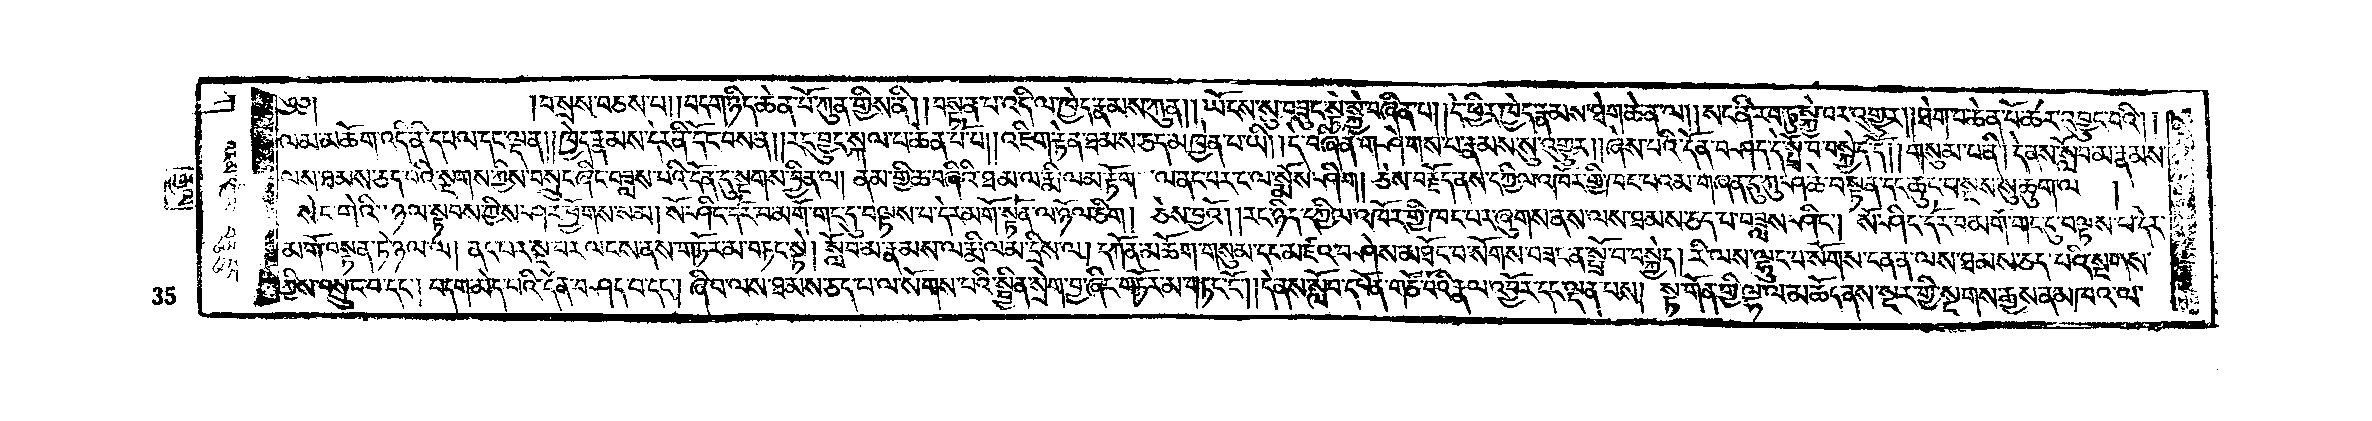༄༅། །བ་སྲས་བཅས་པ། །བདག་ཉིད་ཆེན་པོ་ཀུན་གྱིས་ནི། །བསྟན་པ་འདི་ལ་ཁྱེད་རྣམས་ཀུན། །ཡོངས་སུ་བཟུང་སྟེ། སྐྱེ་བཞིན་པ། །དེ་ཕྱིར་ཁྱེད་རྣམས་ཐེག་ཆེན་ལ། །སང་ནི་རབ་ཏུ་སྐྱེ་བར་འགྱུར། །ཐེག་པ་ཆེན་པོ་ཚར་འབྱུང་བའི། །
ལམ་མཆོག་འདི་ནི་དཔལ་དང་ལྡན། །ཁྱེད་རྣམས་དེར་ནི་དོང་བས་ན། །རང་བྱུང་སྐལ་པ་ཆེན་པོ་པ། །འཇིག་རྟེན་ཐམས་ཅད་མཁྱེན་པ་ཡི། །དེ་བཞིན་གཤེགས་པ་རྣམས་སུ་འགྱུར། །ཞེས་པའི་དོན་བཤད་དེ་སྤྲོ་བ་བསྐྱེད་དོ། །གསུམ་པ་ནི། དེ་ནས་སློབ་མ་རྣམས་
ལས་ཐམས་ཅད་པའི་སྔགས་ཀྱིས་བསྲུང་ཞིང་བཟླས་པའི་དོན་དུ་སྔགས་བྱིན་ལ། ནམ་གྱི་ཆ་བཞིའི་ཐ་མ་ལ་རྨི་ལམ་རྟོག་ལ་ནང་པར་ང་ལ་སྨོས་ཤིག །ཅེས་བརྗོད་ནས་དཀྱིལ་འཁོར་གྱི་ཁང་པའམ་གཞན་དུ་ཀུ་ཤ་ཆེ་བསྟན་དང་ཆུང་བ་སྔས་སུ་ཆུག་ལ།
སེང་གེའི་ཉལ་སྟབས་ཀྱིས་ཤར་ཕྱོགས་སམ། སོ་ཤིང་དོར་བ་མགོ་གང་དུ་བལྟས་པ་དེར་མགོ་སྟོན་ལ་ཉོལ་ཅིག །ཅེས་བྱའོ། །རང་ཉིད་དཀྱིལ་འཁོར་གྱི་ཁང་པར་ཞུགས་ནས་ལས་ཐམས་ཅད་པ་བཟླས་ཤིང་། སོ་ཤིང་དོར་བ་མགོ་གང་དུ་བལྟས་པ་དེར་
མགོ་བསྟན་ཏེ་ཉལ་ལ། ནང་པར་སྔ་བར་ལངས་ནས་གཏོར་མ་བཏང་སྟེ། སློབ་མ་རྣམས་ལ་རྨི་ལམ་དྲིས་ལ། དཀོན་མཆོག་གསུམ་དང་མཛའ་བཤེས་མཐོང་བ་སོགས་བཟང་ན་སྤྲོ་བ་བསྐྱེད། རི་ལས་ལྷུང་པ་སོགས་ངན་ན་ལས་ཐམས་ཅད་པའི་སྔགས་
ཀྱིས་བསྲུང་བ་དང་། བདག་མེད་པའི་དོན་བཤད་པ་དང་། ཞི་བ་ལས་ཐམས་ཅད་པ་ལ་སོགས་པའི་སྦྱིན་སྲེག་བྱ་ཞིང་གཏོར་མ་གཏང་ངོ། །དེ་ནས་སློབ་དཔོན་གཙོ་བོའི་རྣལ་འབྱོར་དང་ལྡན་པས། སྟ་གོན་གྱི་ལྷ་ལ་མཆོད་ནས་སྔར་གྱི་སྔགས་རྒྱས་ནམ་མཁའ་ལ་